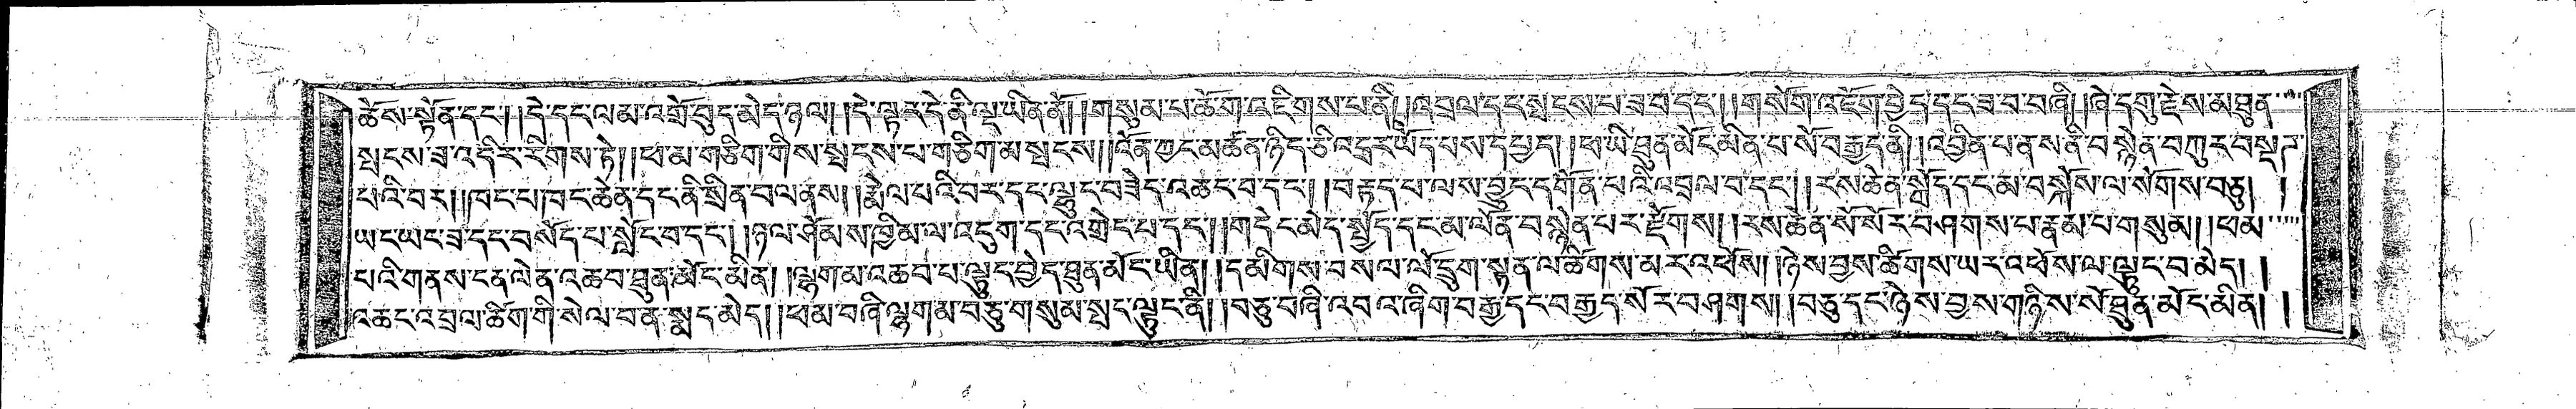ཆོས་སྟོན་དང་། །དེ་དང་ལམ་འགྲོ་བུད་མེད་ཉལ། །དེ་ལྟར་དེ་ནི་ལྔ་ཡིན་ནོ། །གསུམ་པ་ཆོ་ག་འཇིགས་པ་ནི། །འབྲལ་དང་སྤངས་པ་ཟ་བ་དང་། །གསོག་འཇོག་བྱེད་དང་ཟ་བ་བཞི། །ཞེ་དགུ་རྗེས་མཐུན་
སྤངས་ཟ་འདིར་རིགས་ཏེ། །ཕ་མ་གཅིག་གིས་སྤངས་པ་གཅིག་མ་སྤངས། །འོན་ཀྱང་མཚན་ཉིད་ཅི་འདྲར་ཡོད་པས་དཔྱད། །ཕ་ཡི་ཐུན་མོང་མིན་པ་སོ་བརྒྱད་ནི། །འབྱིན་པ་ནས་ནི་བསྙེན་བཀུར་བསྔགས་
པའི་བར། །ཁང་པ་ཁང་ཆེན་དང་ནི་སྲིན་བལ་ནས། །རྨེལ་པའི་བར་དང་ལྷུང་བཟེད་འཆང་བ་དང་། །བརྟད་པ་ལས་བྱུང་དགོན་པའི་འབྲལ་བ་དང་། །རས་ཆེན་སྐྲོད་དང་མ་བསྐོས་ལ་སོགས་བཅུ། །
ཡང་ཡང་ཟ་དང་བསོད་པ་སློང་བ་དང་། །ཉལ་ཤོམས་ཁྱིམ་ལ་འདུག་དང་འགྲེང་པ་དང་། །གདེང་མེད་སྤྱོད་དང་མ་ལོན་བསྙེན་པར་རྫོགས། །རས་ཆེན་སོ་སོར་བཤགས་པ་རྣམ་པ་གསུམ། །ཕམ་
པའི་གནས་ངན་ལེན་འཆབ་ཐུན་མོང་མིན། །ལྷག་མ་འཆང་པ་ལྟུང་བྱེད་ཐུན་མོང་ཡིན། །དམིགས་བསལ་ལོ་དྲུག་སྟན་ལ་ཚིགས་མར་འཕོས། །ཉེས་བྱས་ཚིགས་ཡར་འཕོས་ལ་ལྟུང་བ་མེད། །
འཆང་འབྲལ་ཚིག་གི་སེལ་བ་ན་སྨད་མེད། །ཕམ་བཞི་ལྷག་མ་བཅུ་གསུམ་སྤང་ལྟུང་ནི། །བཅུ་བཞི་འབའ་ཞིག་བརྒྱ་དང་བརྒྱད་སོར་བཤགས། །བཅུ་དང་ཉེས་བྱས་གཉིས་སོ་ཐུན་མོང་མིན། །